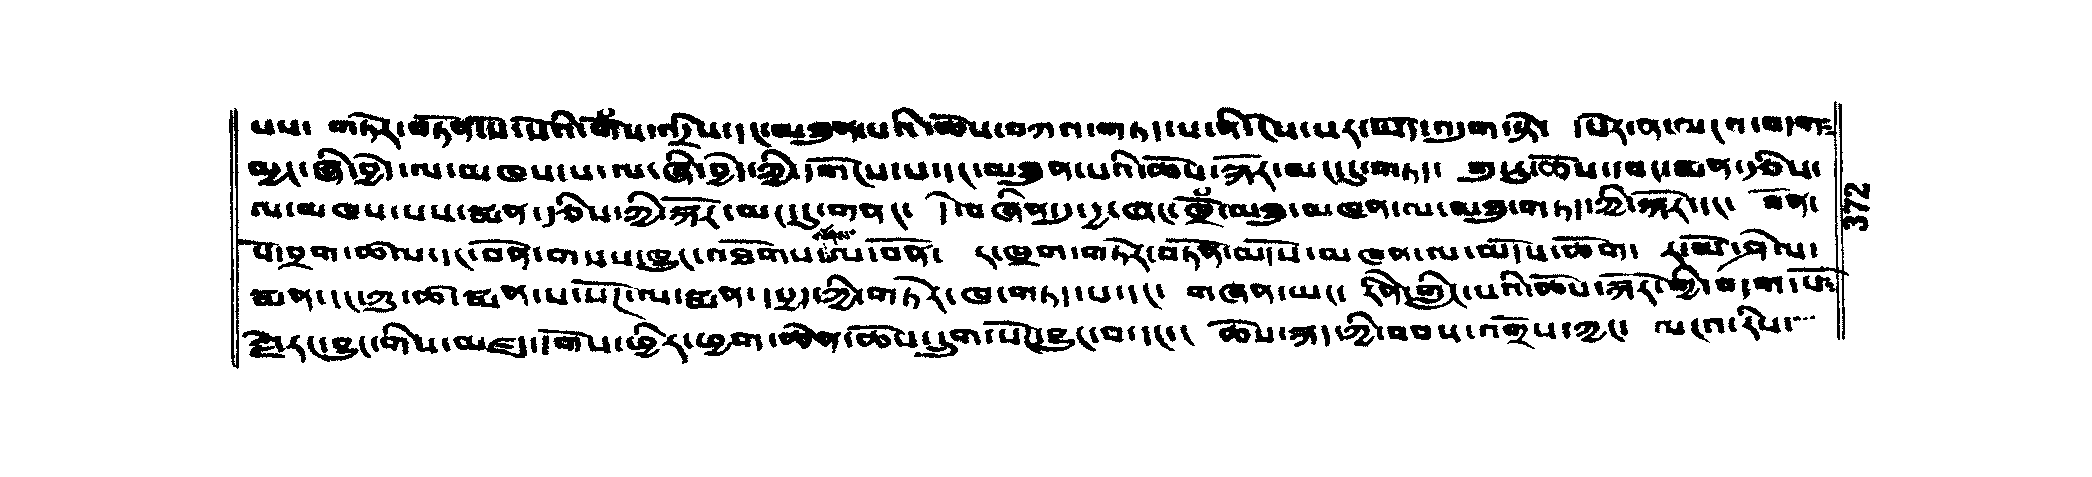པས། གཏེར་བཏོན་སོ་སོའི་གོམས་འདྲིས་དང་མཐུན་པའི་ཆོས་བཀའ་གཏད་པ་ནི་ཤེས་པར་ཡོད་འདུག་སྟེ། དཔེར་ན་མངའ་བདག་
མྱང་ཞི་བྱེད་ལ་མཁས་པ་ལ་ཞི་བྱེད་ཀྱི་དགོངས་པ་དང་མཐུན་པའི་ཆོས་སྐོར་མང་དུ་གཏད། གུ་རུ་ཆོས་དབངལསྨན་རྩིས་
ལ་མཁས་པས་སྨན་རྩིས་ཀྱི་སྐོར་མང་དུ་གནང་། དེ་བཞིན་དུ་རྒྱ་ཞང་ཁྲོམ་མཐུ་མཁན་ལ་མཐུ་གཏད་ཀྱི་སྐོར་དང་། བོན་
པོ་བྲག་ཚལ་དངབོན་གསས་ཁྱུང་འཐོགས་སོགས་ལ་བོན། རང་ཁྲག་གཏེར་བཏོན་མདོས་མཁན་ལ་མདོས་ཆོག་ར་མོ་ཤེལ་
སྨན་དང་ཀུ་ཚ་སྨན་པ་སོགས་ལ་སྨན་དཔྱད་ཀྱི་གཏེར་ཁ་གཏད་པ་དང་།གཞན་ཡང་རིན་ཆེན་གླིང་པའི་ཆོས་སྐོར་གྱི་བདག་པོ་
རྗེ་རང་བྱུང་གིས་མཛད་དགོས་ཕྱིར་ཕྱག་ཆེན་ཆོས་དྲུག་སོགས་བྱུང་བ་དང་། ཆོས་སྐད་ཀྱི་བབས་འགྲོས་ཀྱང་། མངའ་རིས་